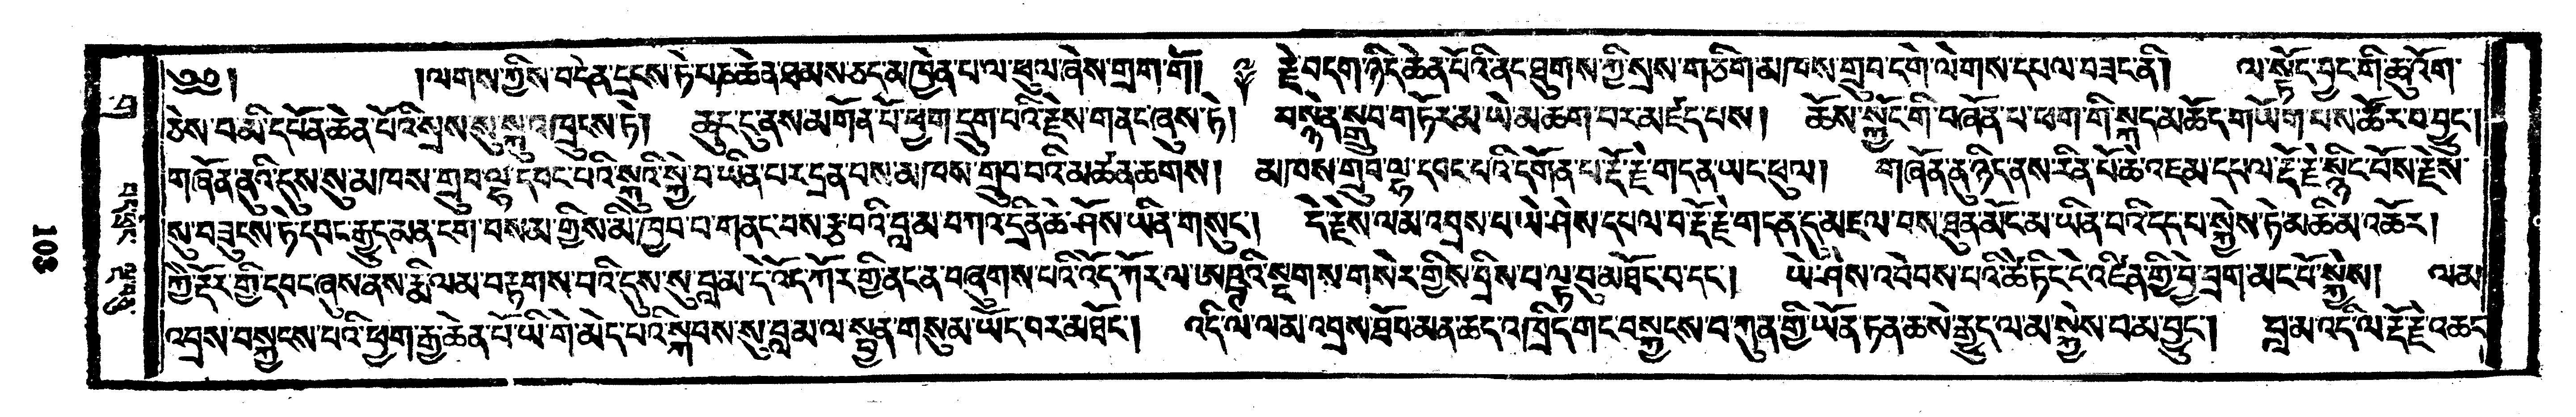༄༅། །ལགས་ཀྱིས་བདེན་དྲངས་ཏེ་པཎ་ཆེན་ཐམས་ཅད་མཁྱེན་པ་ལ་ཕུལ་ཞེས་གྲག་གོ། ༈ རྗེ་བདག་ཉིད་ཆེན་པོའི་ནང་ཐུགས་ཀྱི་སྲས་གཅིག་མཁས་གྲུབ་དགེ་ལེགས་དཔལ་བཟང་ནི། ལ་སྟོང་བྱང་གི་ཆུ་འོག་
ཅེས་བ་མི་དཔོན་ཆེན་པོའི་སྲས་སུ་སྐུ་འཁྲུངས་ཏེ། ཆུང་ངུ་ནས་མགོན་པོ་ཕྱག་དྲུག་པའི་རྗེས་གནང་ཞུས་ཏེ། བསྙེན་སྒྲུབ་གཏོར་མ་ཡེ་མ་ཆག་པར་མཛད་པས། ཆོས་སྐྱོང་གི་བཞོན་པ་ཕག་གི་སྐད་མཆོད་གཡོག་པས་ཚོར་བ་བྱུང་།
གཞོན་ནུའི་དུས་སུ་མཁས་གྲུབ་ལྷ་དབང་པའི་སྐུའི་སྐྱེ་བ་ཡིན་པར་དྲན་པས་མཁས་གྲུབ་པའི་མཚན་ཆགས། མཁས་གྲུབ་ལྷ་དབང་པའི་དགོན་པ་རྡོ་རྗེ་གདན་ཡང་ཕུལ། གཞོན་ནུ་ཉིད་ནས་རིན་པོ་ཆེ་འཇམ་དཔལ་རྡོ་རྗེ་སྙིང་པོས་རྗེས་
སུ་བཟུངས་ཏེ་དབང་རྒྱུད་མན་ངག་བསམ་གྱིས་མི་ཁྱབ་པ་གནང་བས་རྩ་བའི་བླ་མ་བཀའ་དྲིན་ཆེ་ཤོས་ཡིན་གསུང་། དེ་རྗེས་ལམ་འབྲས་པ་ཡེ་ཤེས་དཔལ་བ་རྡོ་རྗེ་གདན་དུ་མཇལ་བས་ཐུན་མོང་མ་ཡིན་པའི་དད་པ་སྐྱེས་ཏེ་མཆི་མ་འཆོར།
ཀྱཻ་རྡོར་གྱི་དབང་ཞུས་ནས་རྨི་ལམ་བརྟགས་པའི་དུས་སུ་བླ་མ་དེ་འོད་ཀོར་གྱི་ནང་ན་བཞུགས་པའི་འོད་ཀོར་ལ་ཨཥྚའི་སྔགས་གསེར་གྱིས་བྲིས་པ་ལྟ་བུ་མཐོང་བ་དང་། ཡེ་ཤེས་འབེབས་པའི་ཚེ་ཏིང་ངེ་འཛིན་གྱི་བྱེ་བྲག་མང་པོ་སྐྱེས། ལམ་
འབྲས་བསྐྱངས་པའི་ཕྱག་རྒྱ་ཆེན་པོ་ཡི་གེ་མེད་པའི་སྐབས་སུ་བླ་མ་ལ་སྤྱན་གསུམ་ཡོང་བར་མཐོང་། འདི་ལ་ལམ་འབྲས་ཐོབ་མན་ཆད་འཁྲིད་གང་བསྐྱངས་པ་ཀུན་གྱི་ཡོན་ཏན་ཆ་སེ་རྒྱུད་ལ་མ་སྐྱེས་པ་མ་བྱུང་། བླ་མ་འདི་ལ་རྡོ་རྗེ་འཆང་